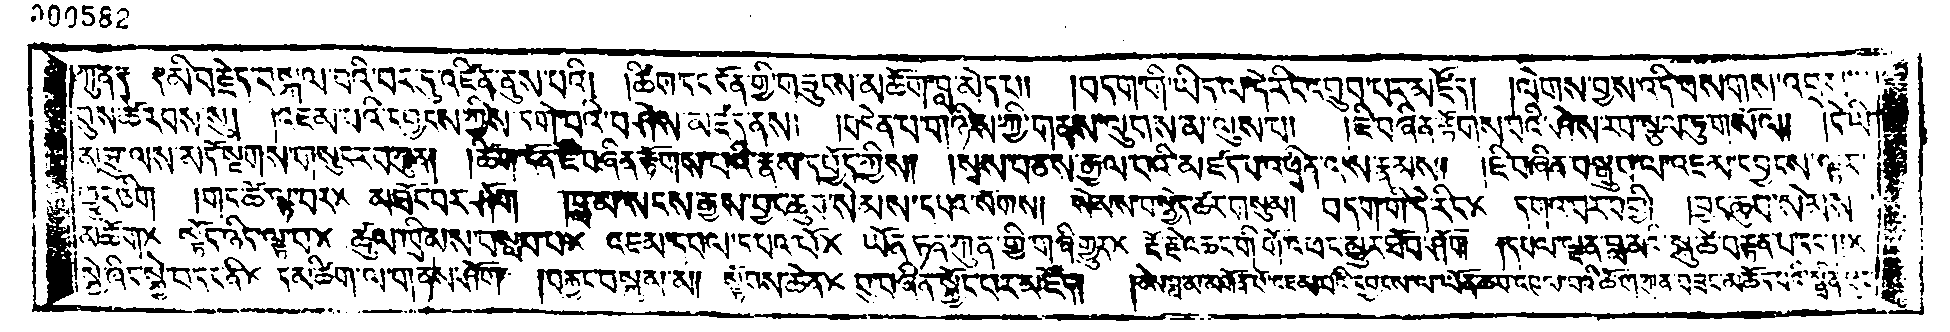ཀུན༑ ༑མི་བརྗེད་བསྐལ་བའི་བར་དུ་འཛིན་ནུས་པའི། །ཚིག་དང་དོན་གྱི་གཟུངས་མཆོག་བླ་མེད་པ། །བདག་གི་ཡིད་ལ་དེ་རིང་འགྲུབ་པར་མཛོད། །ལེགས་བྱས་འདི་བསགས་འབྲས་
བུས་ཚེ་རབས་སུ། །འཇམ་པའི་དབྱངས་ཀྱིས་དགེ་བའི་བཤེས་མཛད་ནས། །བདེན་པ་གཉིས་ཀྱི་གནས་ལུགས་མ་ལུས་པ། །ཇི་བཞིན་རྟོགས་པའི་ཤེས་རབ་སྩལ་ཏུ་གསོལ། །དེ་ཡི་
མཐུ་ལས་མདོ་སྔགས་གསུང་རབ་ཀུན། །ཚིག་དོན་ཇི་བཞིན་རྟོགས་པའི་རྣམ་དཔྱོད་ཀྱིས། །སྲས་བཅས་རྒྱལ་བའི་མཛད་པ་འཕྲིན་ལས་རྣམས། །ཇི་བཞིན་བསྒྲུབ་ལ་འཇམ་དབྱངས་ལྟར་
གྱུར་ཅིག །གང་ཚེ་ལྟ་བར་྾་མཐོང་བར་ཤོག །བླ་མ་སངས་རྒྱས་བྱང་ཆུབ་སེམས་དཔའ་སོགས། སེམས་བསྐྱེད་ཚར་གསུམ།  བདག་གི་དེ་རིང྾་དགའ་བར་བགྱི། །བྱང་ཆུབ་སེམས་
མཆོག྾་སྟོང་ཉིད་ལྟ་བ྾་ཚུལ་ཁྲིམས་བསླབ་པ྾་འཇམ་དཔལ་དཔའ་བོ྾་ཡོན་ཏན་ཀུན་གྱི་གཞི་གྱུར྾་རྡོ་རྗེ་འཆང་གི་གོ་འཕང་མྱུར་ཐོབ་ཤོག །དཔལ་ལྡན་བླ་མའི་སྐུ་ཚེ་བརྟན་པ་དང་། །྾་
སྐྱེ་ཞིང་སྐྱེ་བ་དང་ནི྾་དམ་ཚིག་ལ་གནས་ཤོག །བརྐྱང་བསྐུམ་མ། སྟོབས་ཆེན྾་བུ་བཞིན་སྐྱོང་བར་མཛོད། །ཅེས་བླ་མ་མགོན་པོ་འཇམ་པའི་དབྱངས་ལ་ཡོན་ཆབ་འབུལ་བའི་ཆོ་ག་ཀུན་བཟང་མཆོད་པའི་སྤྲིན་ཕུང་